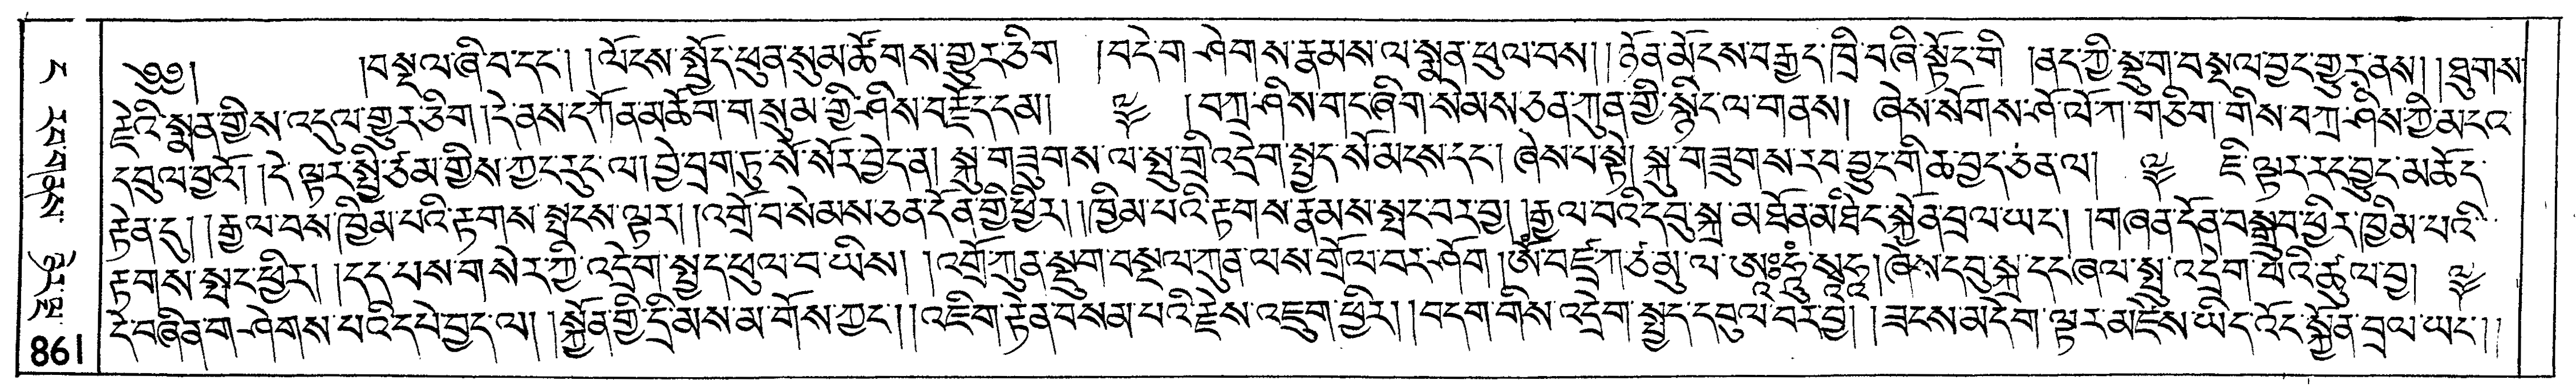༄༅། །བསྔལ་ཞི་བ་དང་། །ལོངས་སྤྱོད་ཕུན་སུམ་ཚོགས་གྱུར་ཅིག །བདེ་གཤེགས་རྣམས་ལ་སྨན་ཕུལ་བས། །ཉོན་མོངས་བརྒྱད་ཁྲི་བཞི་སྟོང་གི །ནད་ཀྱི་སྡུག་བསྔལ་བྱང་གྱུར་ནས། །ཐུགས་
རྗེའི་སྨན་གྱིས་འདུལ་གྱུར་ཅིག །དེ་ནས་དཀོན་མཆོག་གསུམ་གྱི་ཤིས་བརྗོད་དམ། ༈ །བཀྲ་ཤིས་གང་ཞིག་སེམས་ཅན་ཀུན་གྱི་སྙིང་ལ་གནས། ཞེས་སོགས་ཤོ་ལོ་ཀ་གཅིག་གིས་བཀྲ་ཤིས་ཀྱི་མངའ་
དབུལ་བྱའོ། །དེ་ལྟར་སྤྱི་ཙམ་གྱིས་ཀྱང་རུང་ལ། བྱེ་བྲག་ཏུ་སོ་སོར་བྱེད་ན། སྐུ་གཟུགས་ལ་སྤུ་གྲི་འདྲེག་སྤྱད་སོ་མངས་དང་། ཞེས་པ་སྟེ། སྐུ་གཟུགས་རབ་བྱུང་གི་ཆ་བྱད་ཅན་ལ། ༈ ཇི་ལྟར་རང་བྱུང་མཆོད་
རྟེན་དུ། །རྒྱལ་བས་ཁྱིམ་པའི་རྟགས་སྤངས་ལྟར། །འགྲོ་བ་སེམས་ཅན་དོན་གྱི་ཕྱིར། །ཁྱིམ་པའི་རྟགས་རྣམས་སྤང་བར་བྱ། །རྒྱལ་བའི་དབུ་སྐྲ་མཐོན་མཐིང་སྐྱོན་བྲལ་ཡང་། །གཞན་དོན་བསྒྲུབ་ཕྱིར་ཁྱིམ་པའི་
རྟགས་སྤང་ཕྱིར། །དད་པས་གསེར་གྱི་འདྲེག་སྤྱད་ཕུལ་བ་ཡིས། །འགྲོ་ཀུན་སྡུག་བསྔལ་ཀུན་ལས་གྲོལ་བར་ཤོག །ཨོཾ་བཛྲ་ཀ་ཙ་མུ་ལ་ཨཱཿ ཧཱུཾ་སྭཱཧཱ། ཞེས་དབུ་སྐྲ་དང་ཞལ་སྤུ་འདྲེག་པའི་ཚུལ་བྱ། ༈
དེ་བཞིན་གཤེགས་པའི་དཔེ་བྱད་ལ། །སྐྱོན་གྱི་དྲི་མས་མ་གོས་ཀྱང་། །འཇིག་རྟེན་བསམ་པའི་རྗེས་འཇུག་ཕྱིར། །བདག་གིས་འདྲེག་སྤྱད་དབུལ་བར་བྱ། །ཟངས་མདེག་ལྟར་མཛེས་ཡིད་འོང་སྐྱོན་བྲལ་ཡང་། །